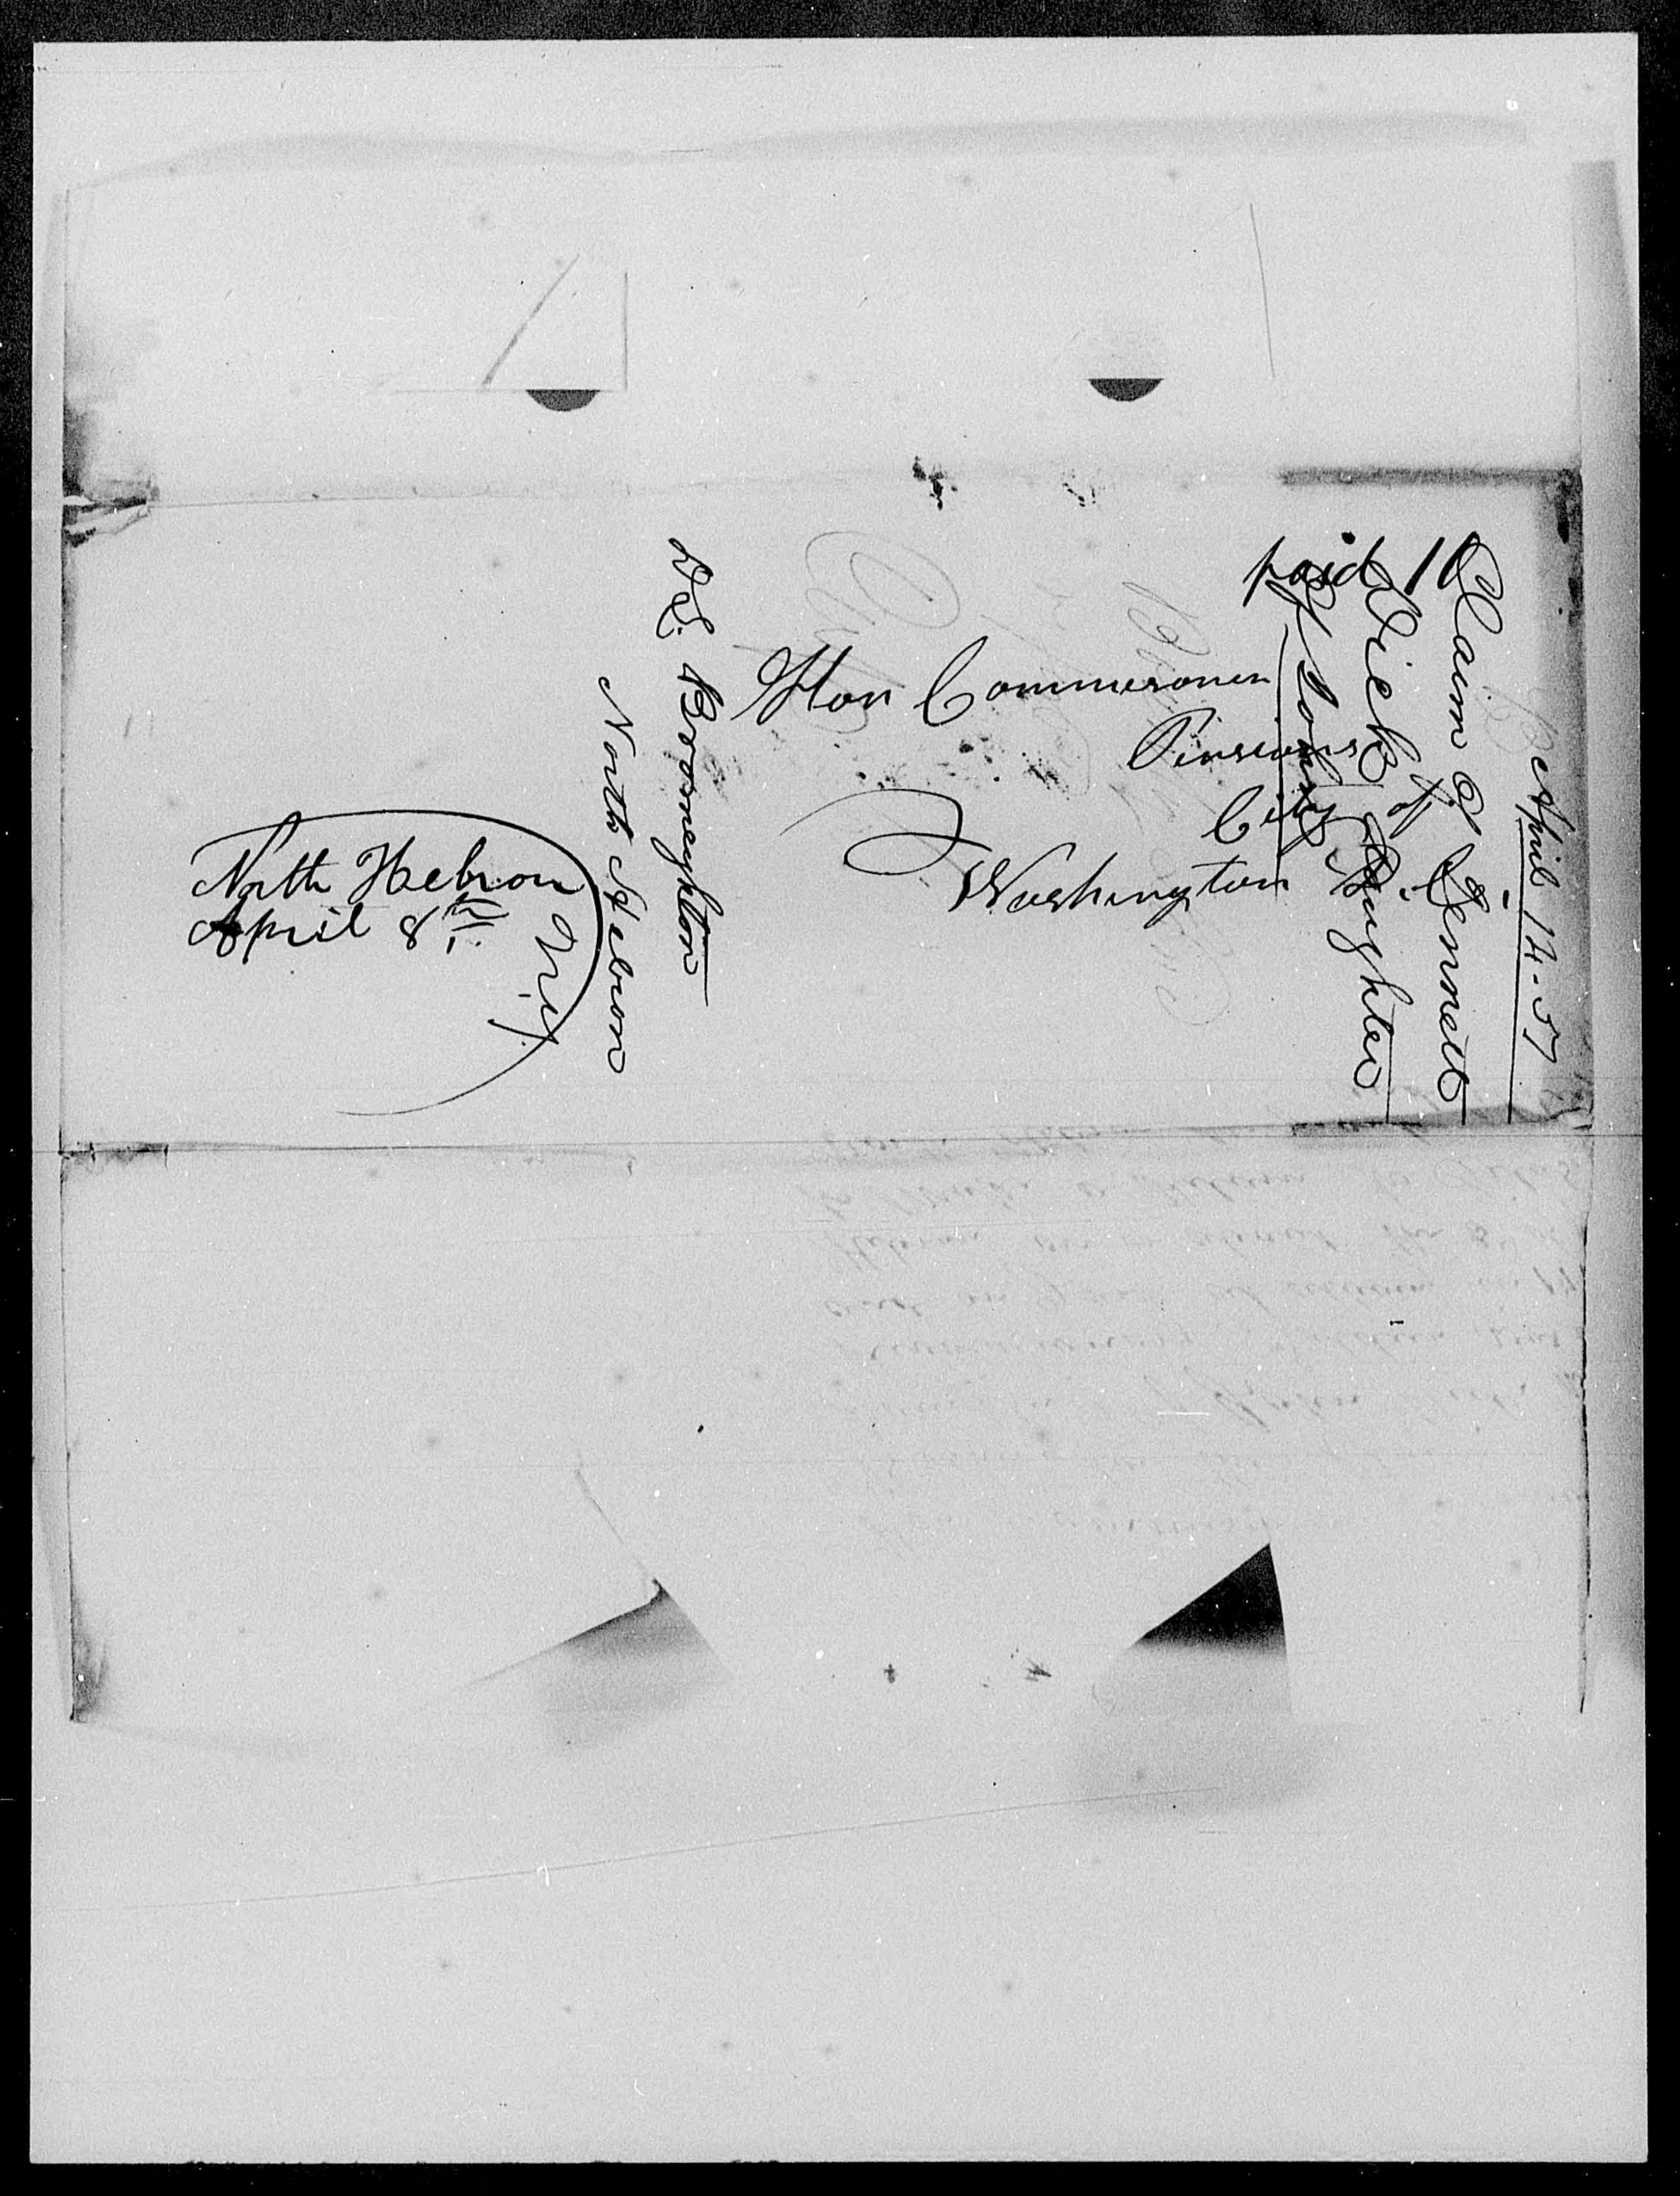[envelope]
paid 10
Hon Commissioner of Pensions
City of Washington D.C.
DS. Broughton
North Hebron NY
North Hebron April 8th 
April 14, - 57
Claim of Jennett Dick daughter of John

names: Jennett Dick, John, D L Bromeyhton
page: 3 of 9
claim: rejected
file: R. 2,930, John Dick, Vt.